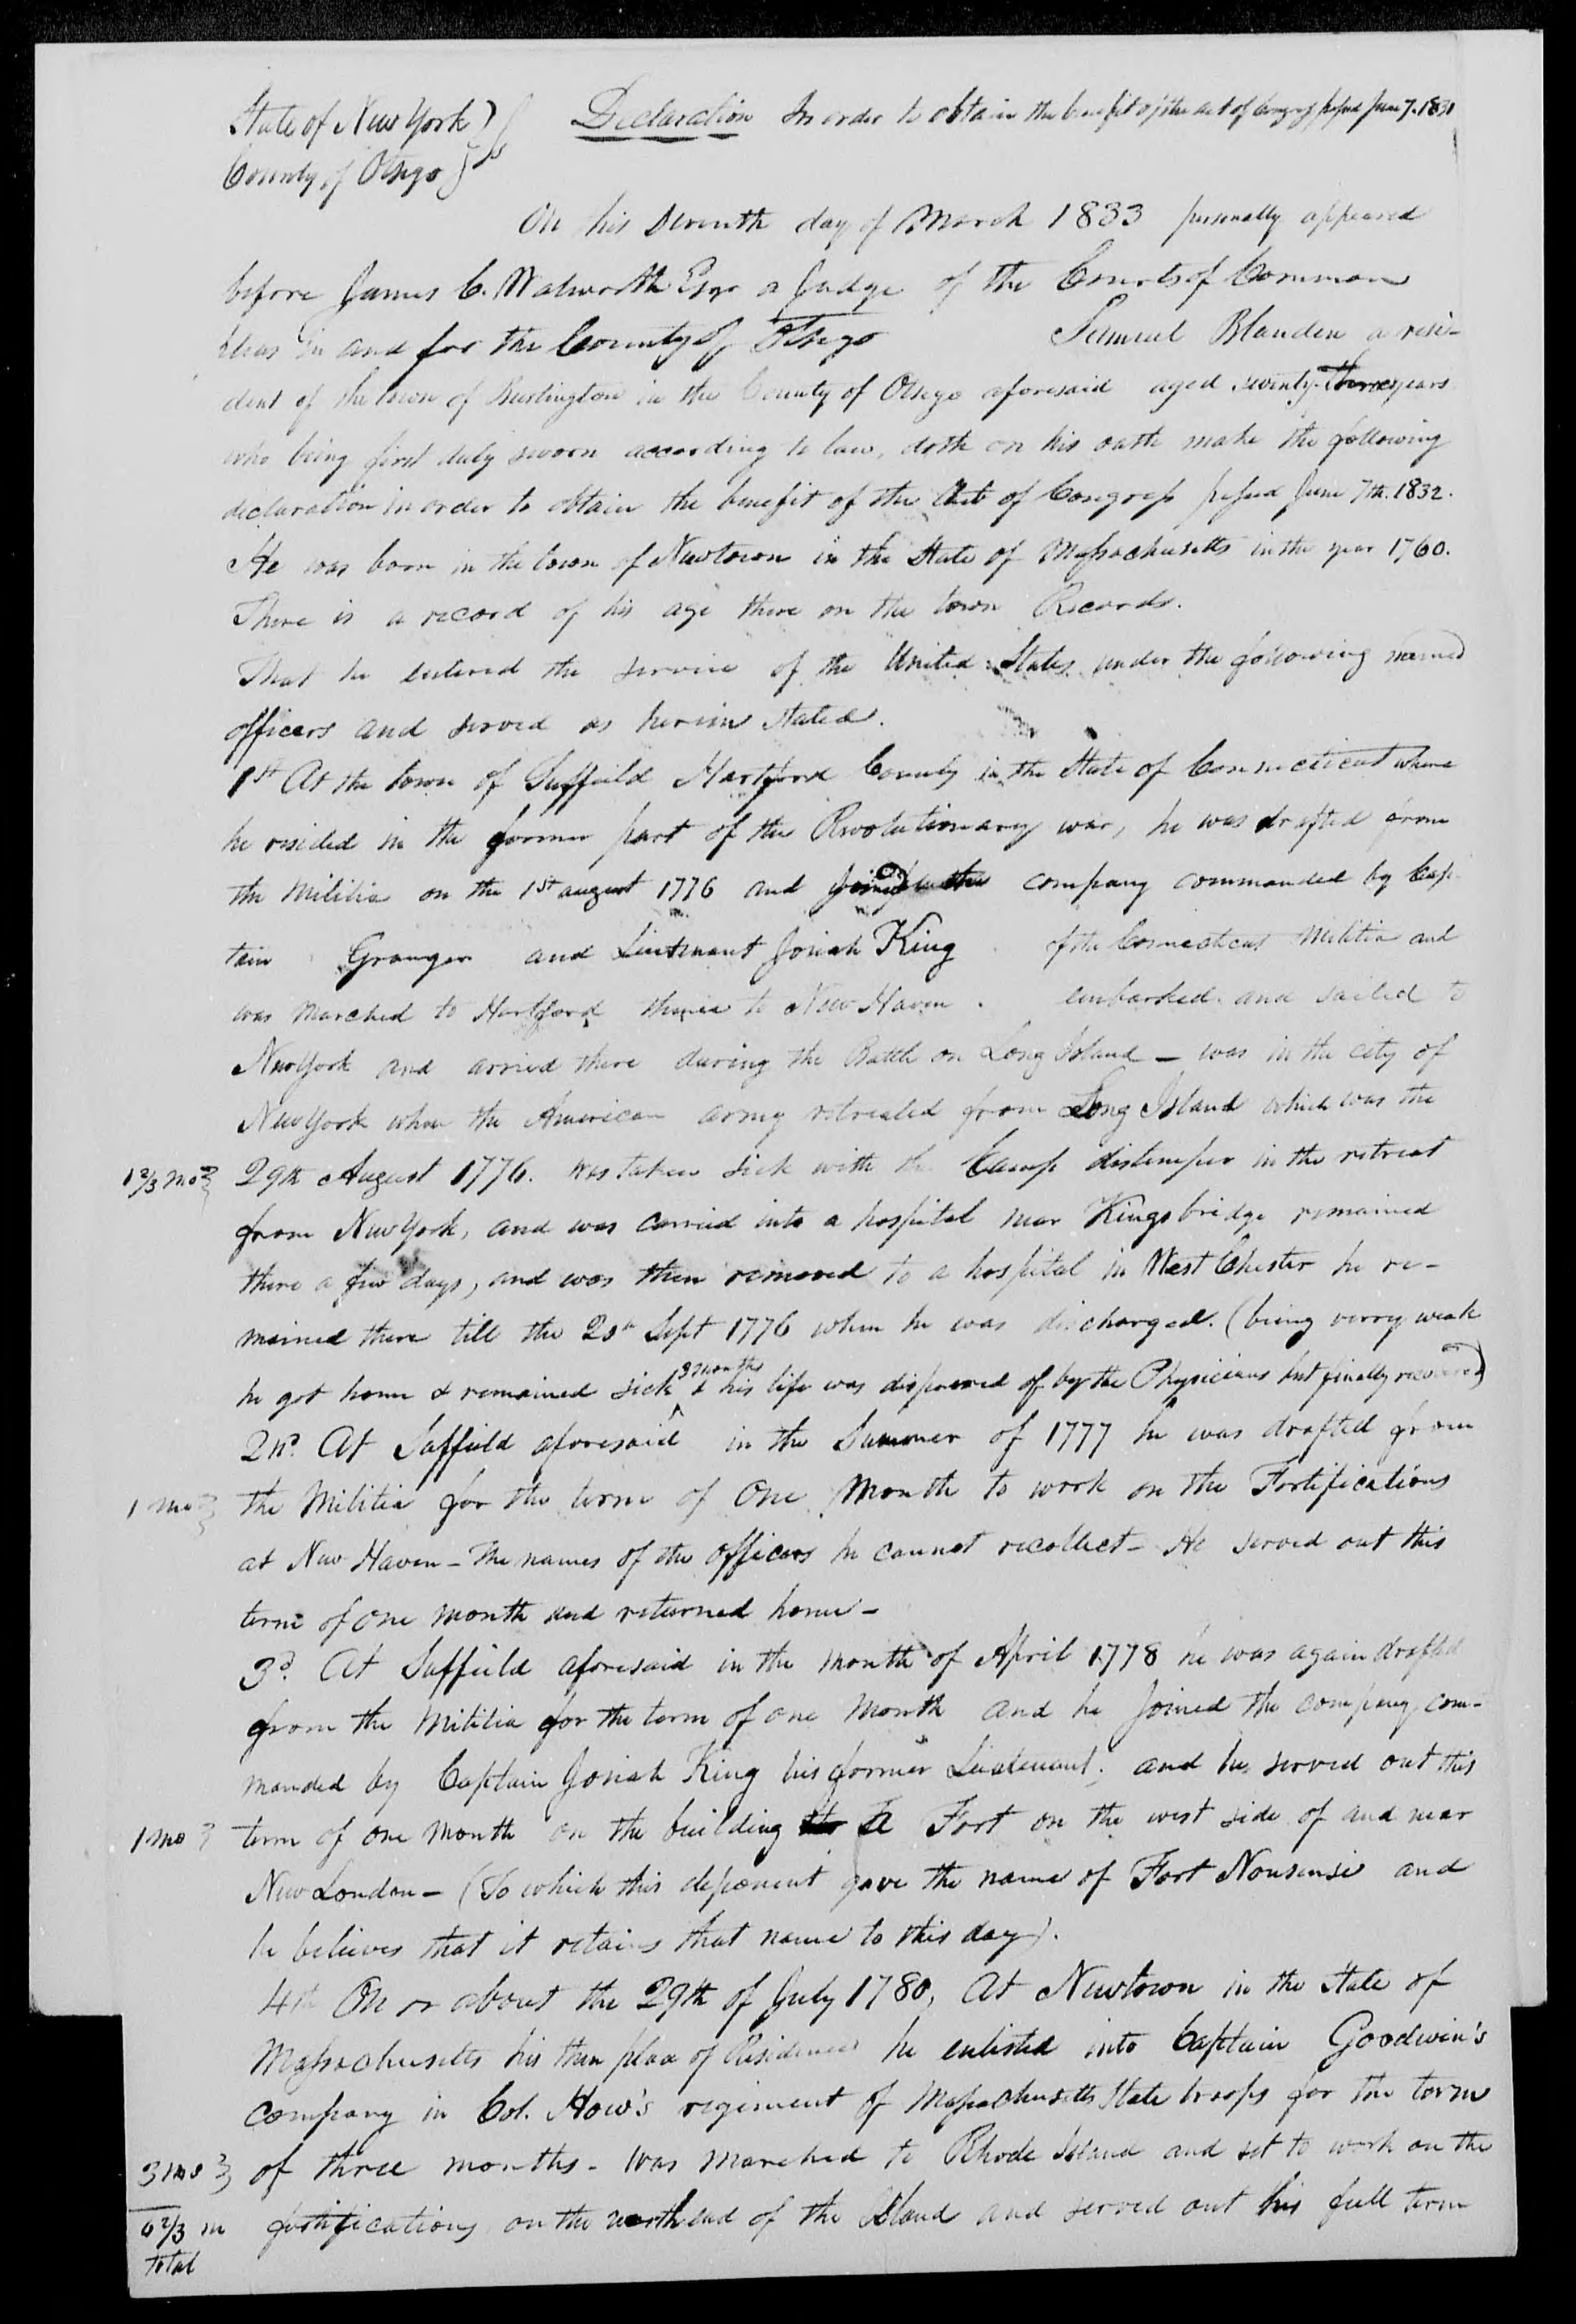State of New York
County of Otsego} ss. Declaration In order to obtain the benefit of the act of Congress passed June 7, 1832
On this seventh day of March 1833 personally appeared before James C. Walworth Esq a Judge of the Courts of Common Pleas in and for the County of Otsego, Samuel Blanden a resident of the town of Burlington in the County of Otsego aforesaid aged seventy three years, who being first duly sworn according to law, doth on his oath make the following declaration in order to obtain the benefit of the Act of Congress passed June 7th 1832. He was born in the town of Newtown in the State of Massachusetts in the year 1760. There is a record of his age there on the town Records.
That he entered the service of the United States under the following named officers and served as herein stated.
1st At the town of Suffield, Hartford County, in the State of Connecticut where he resided in the former part of the Revolutionary War, he was drafted from the militia on the 1st August 1776 and joined the company commanded by Captain Granger and Lieutenant Josiah King of the Connecticut militia and was marched to Hartford, therein to New Haven, embarked and sailed to New York and arrived there during the Battle on Long Island, was in the city of New York when the American army retreated from Long Island which was the 29th August 1776, was taken sick with the camp distemper in the retreat from New York, and was carried into a hospital in West Chester he remained there till the 20th Sept 1776 when he was discharged (being verry weal he got home & remained sick 3 months of his life was [unk] of by the Physicians but finally recovered) } 1 2/3 mo
2nd. At Suffield aforesaid in the Summer of 1777 he was drafted from the militia for the term of one month to work on the Fortifications at New Haven. The names of the officers he cannot recollect. He served out this term of one month and returned home.} 1 mo
3d At Suffield aforesaid in the month of April 1778 he was again drafted from the militia for the term of one month and he joined the company commanded by Captain Josiah King his former Lieutenant, and he served out this term of one month on the building a Fort on the west side of and near New London (to which this deponent gave the names of Fort Nonsansi and he believes that it retains that name to this day)} 1 mo.
4th On or about the 29th of July 1780, at Newtown in the State of Massachusetts his then place of residence he enlisted into Captain Goodwin's company in Col. How's regiment of Massachusetts State troops for the term of three months, was marched to Rhode Island and set to work on the fortifications, on the north side of the Island, and served out his full term} 3 mos.
6 2/3 in total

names: Samuel Blanden, Granger, Josiah King, Josiah King, James C Walworth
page: 4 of 14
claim: survivor's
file: S. 10389, Samuel Blanden, Conn. Mass